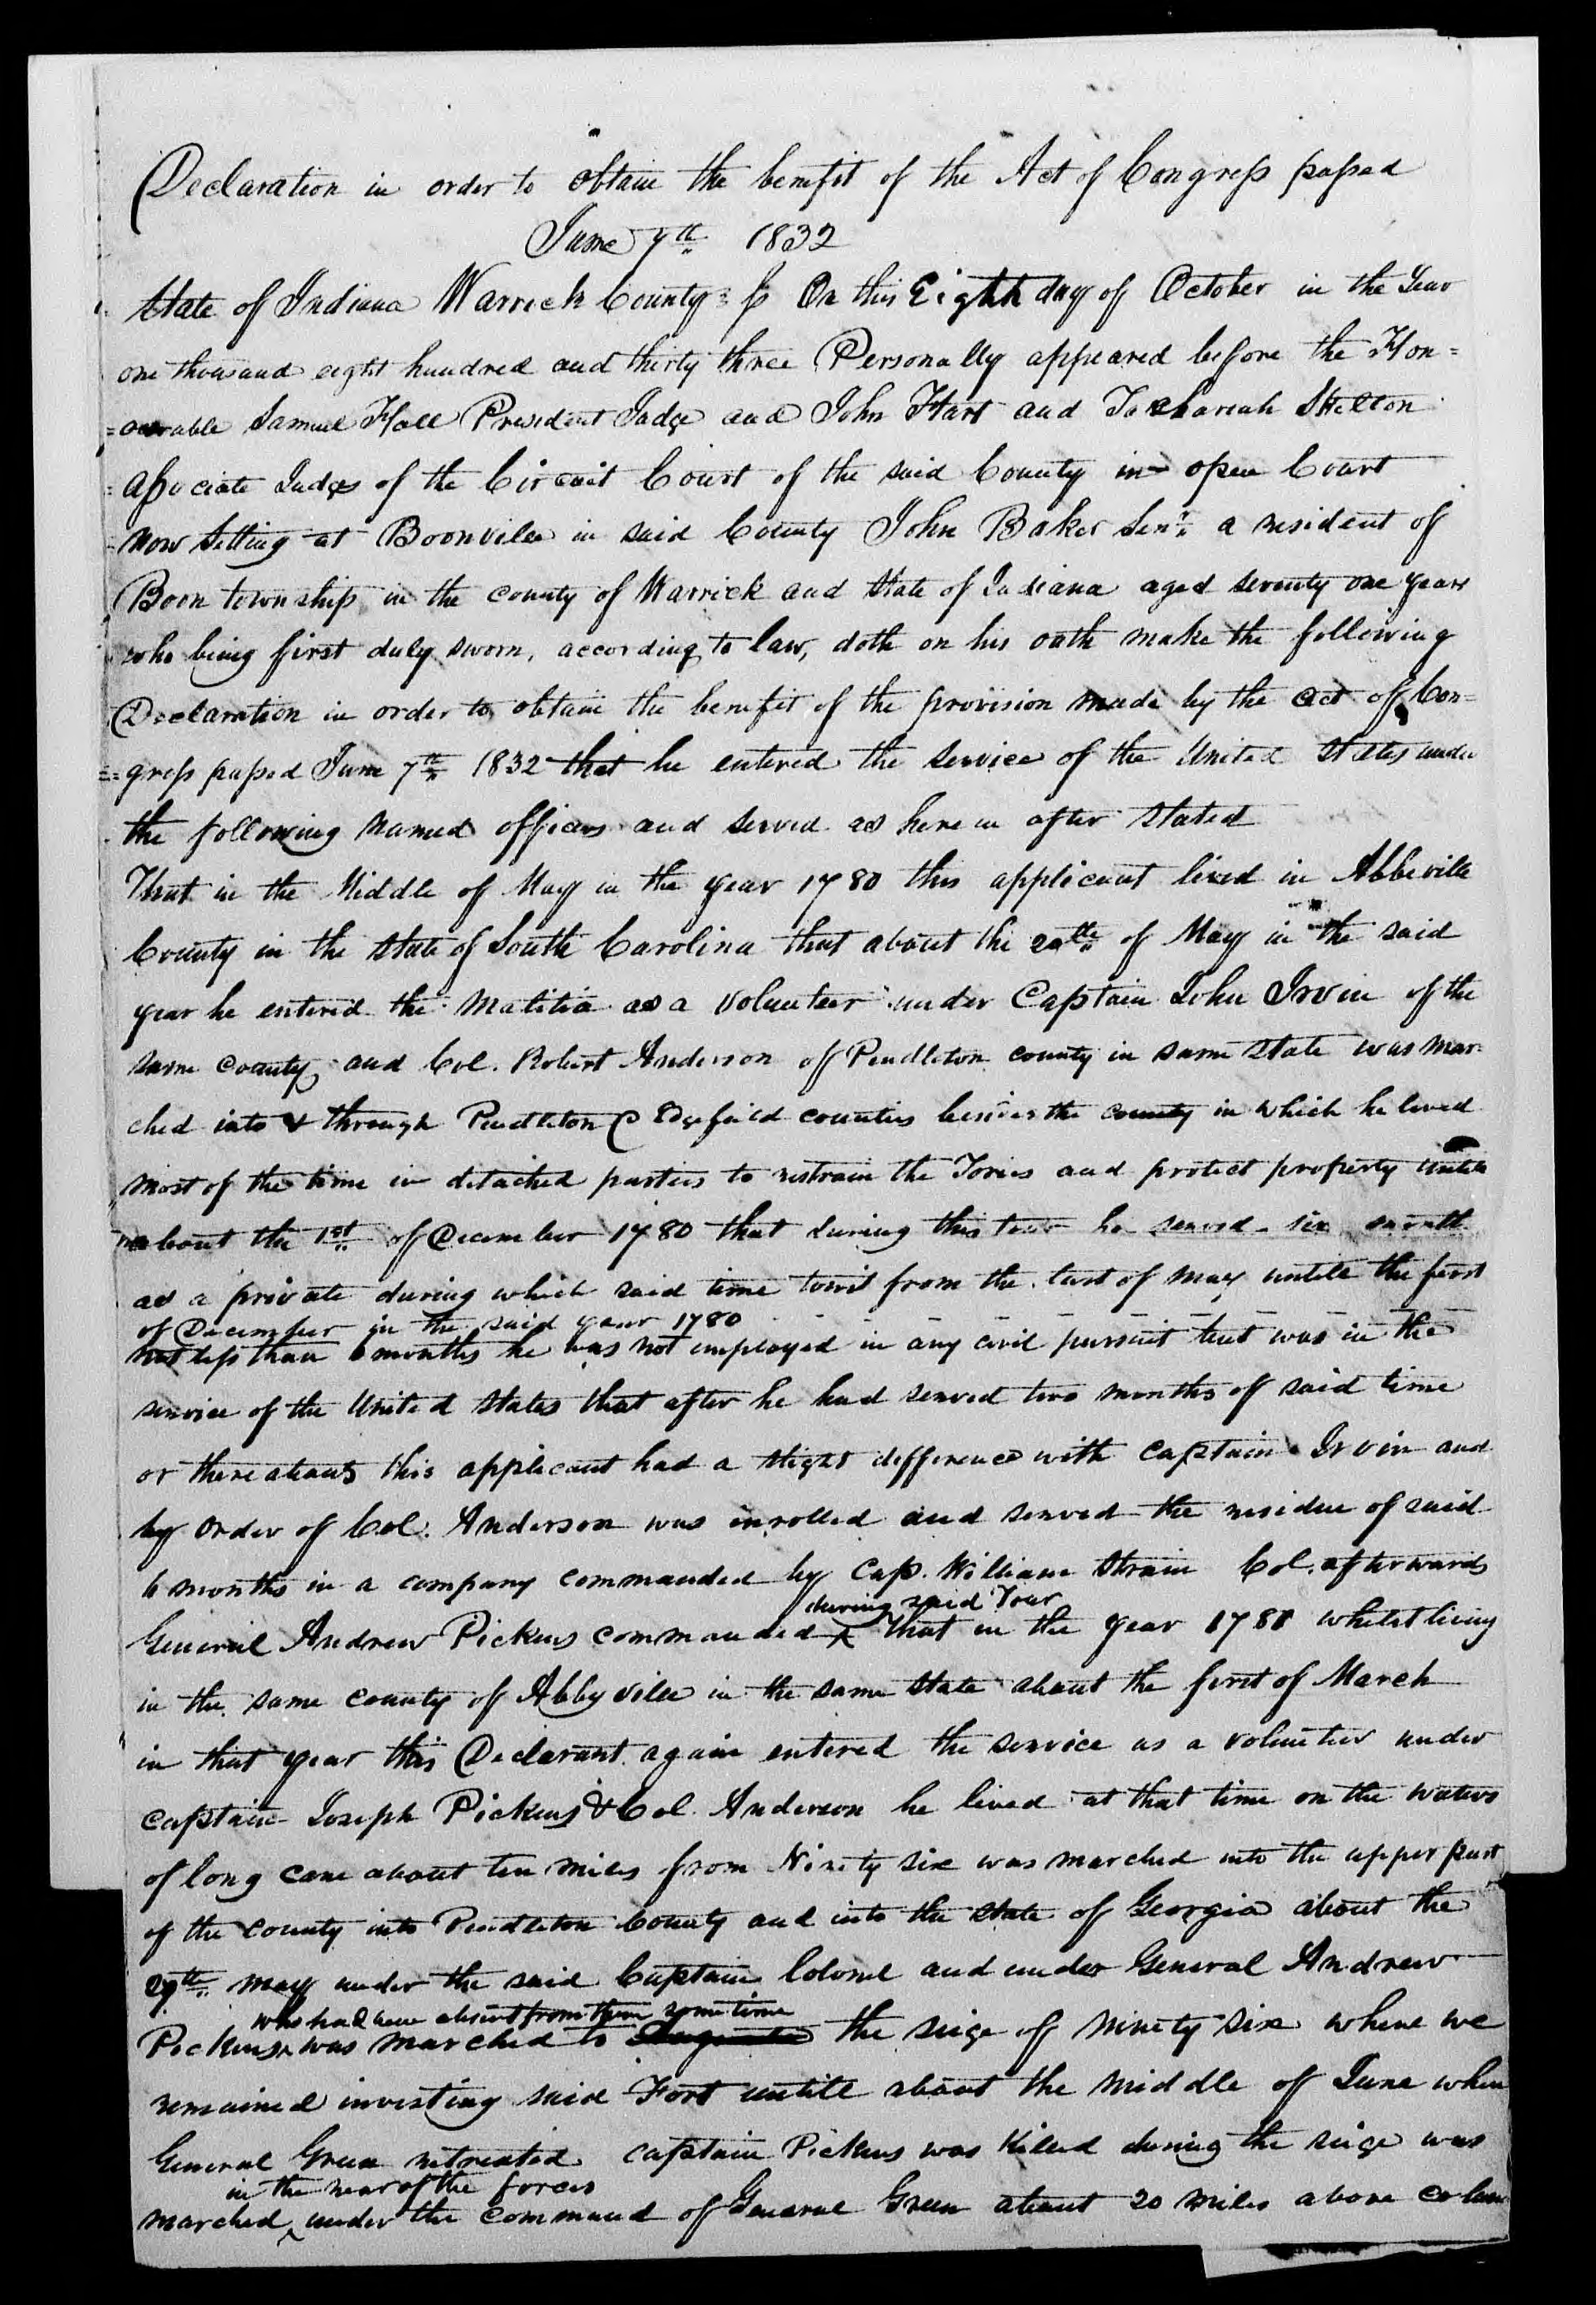Declaration in order to obtain the benefit of the Act of Congress passed June 7th 1832
State of Indiana Warrick County ss On this Eight day of October in the year one thousand eight hundred and thirty three Personally appeared before the Honorable Samuel Hall President Judge and John Hart and Zachariah Skelton associate Judges of the Circuit Court of the said County in open Court now sitting at Boonville in said County John Baker Senr. a resident of Boon township in the County of Warrick and State of Indiana aged Seventy one years who being first duly sworn, according to law, doth on his oath make the following Declaration in order to obtain the benefit of the provision made by the act of Congress passed June 7th 1832 that he entered the service of the United States under the following named officers and served as herein after stated
That in the middle of May in the year 1780 this applicant lived in Abbeville County in the State of South Carolina that about the 20th of May in the said year he entered the Malitia [Militia] as a volunteer under Captain John Irvin of the same County and Col. Robert Anderson of Pendleton County in same state was a marched into & through Pendleton & Deerfield counties besides the County in which he lived most of the time in detached parties to restrain the Tories and protect property until about the 1st of December 1780 that during this tour he served six months as a private during which said time toured from the last of May untill [until] the first of December in the said year 1780 not less than 6 months he was not employed in any civil pursuit but was in the service of the United States that after he had served two months of said time or thereabouts this applicant had a slight difference with Captain Irvin and by order of Col. Anderson was enrolled and served the residue of said 6 months in a company commanded by Cap. William Strain Col, afterwards General Andrew Pickens commanded during said tour that in the year 1781 whilst living in the same County of Abbyville in the same state about the first of March in that year this declarant again entered the service as a volunteer under Captain Joseph Pickens & Col. Anderson he lived at that time on the waters of long came about ten miles from Ninety-six was marched into the upper part of the County into Pendleton County and into the State of Georgia about the 9th May under the said Captain Colonel and under General Andrews Pickens who had now about from them some time was marched to the siege of Ninety-six where we remained investing said Fort untill about the middle of June when General Green mentioned Captain Pickens was killed during the siege was marched in the rear of the forces under the command of General Green about 20 miles above [illegible]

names: Pickens, Andrew Pickens, Anderson, Irvin, Andrew Pickens, Zachariah Skelton, John Baker, John Irvin, Green, Robert Anderson, Green, Samuel Hall, Joseph Pickens, Anderson, William Strain, John Hart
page: 3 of 27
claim: rejected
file: R. 406, John Baker, S.C.